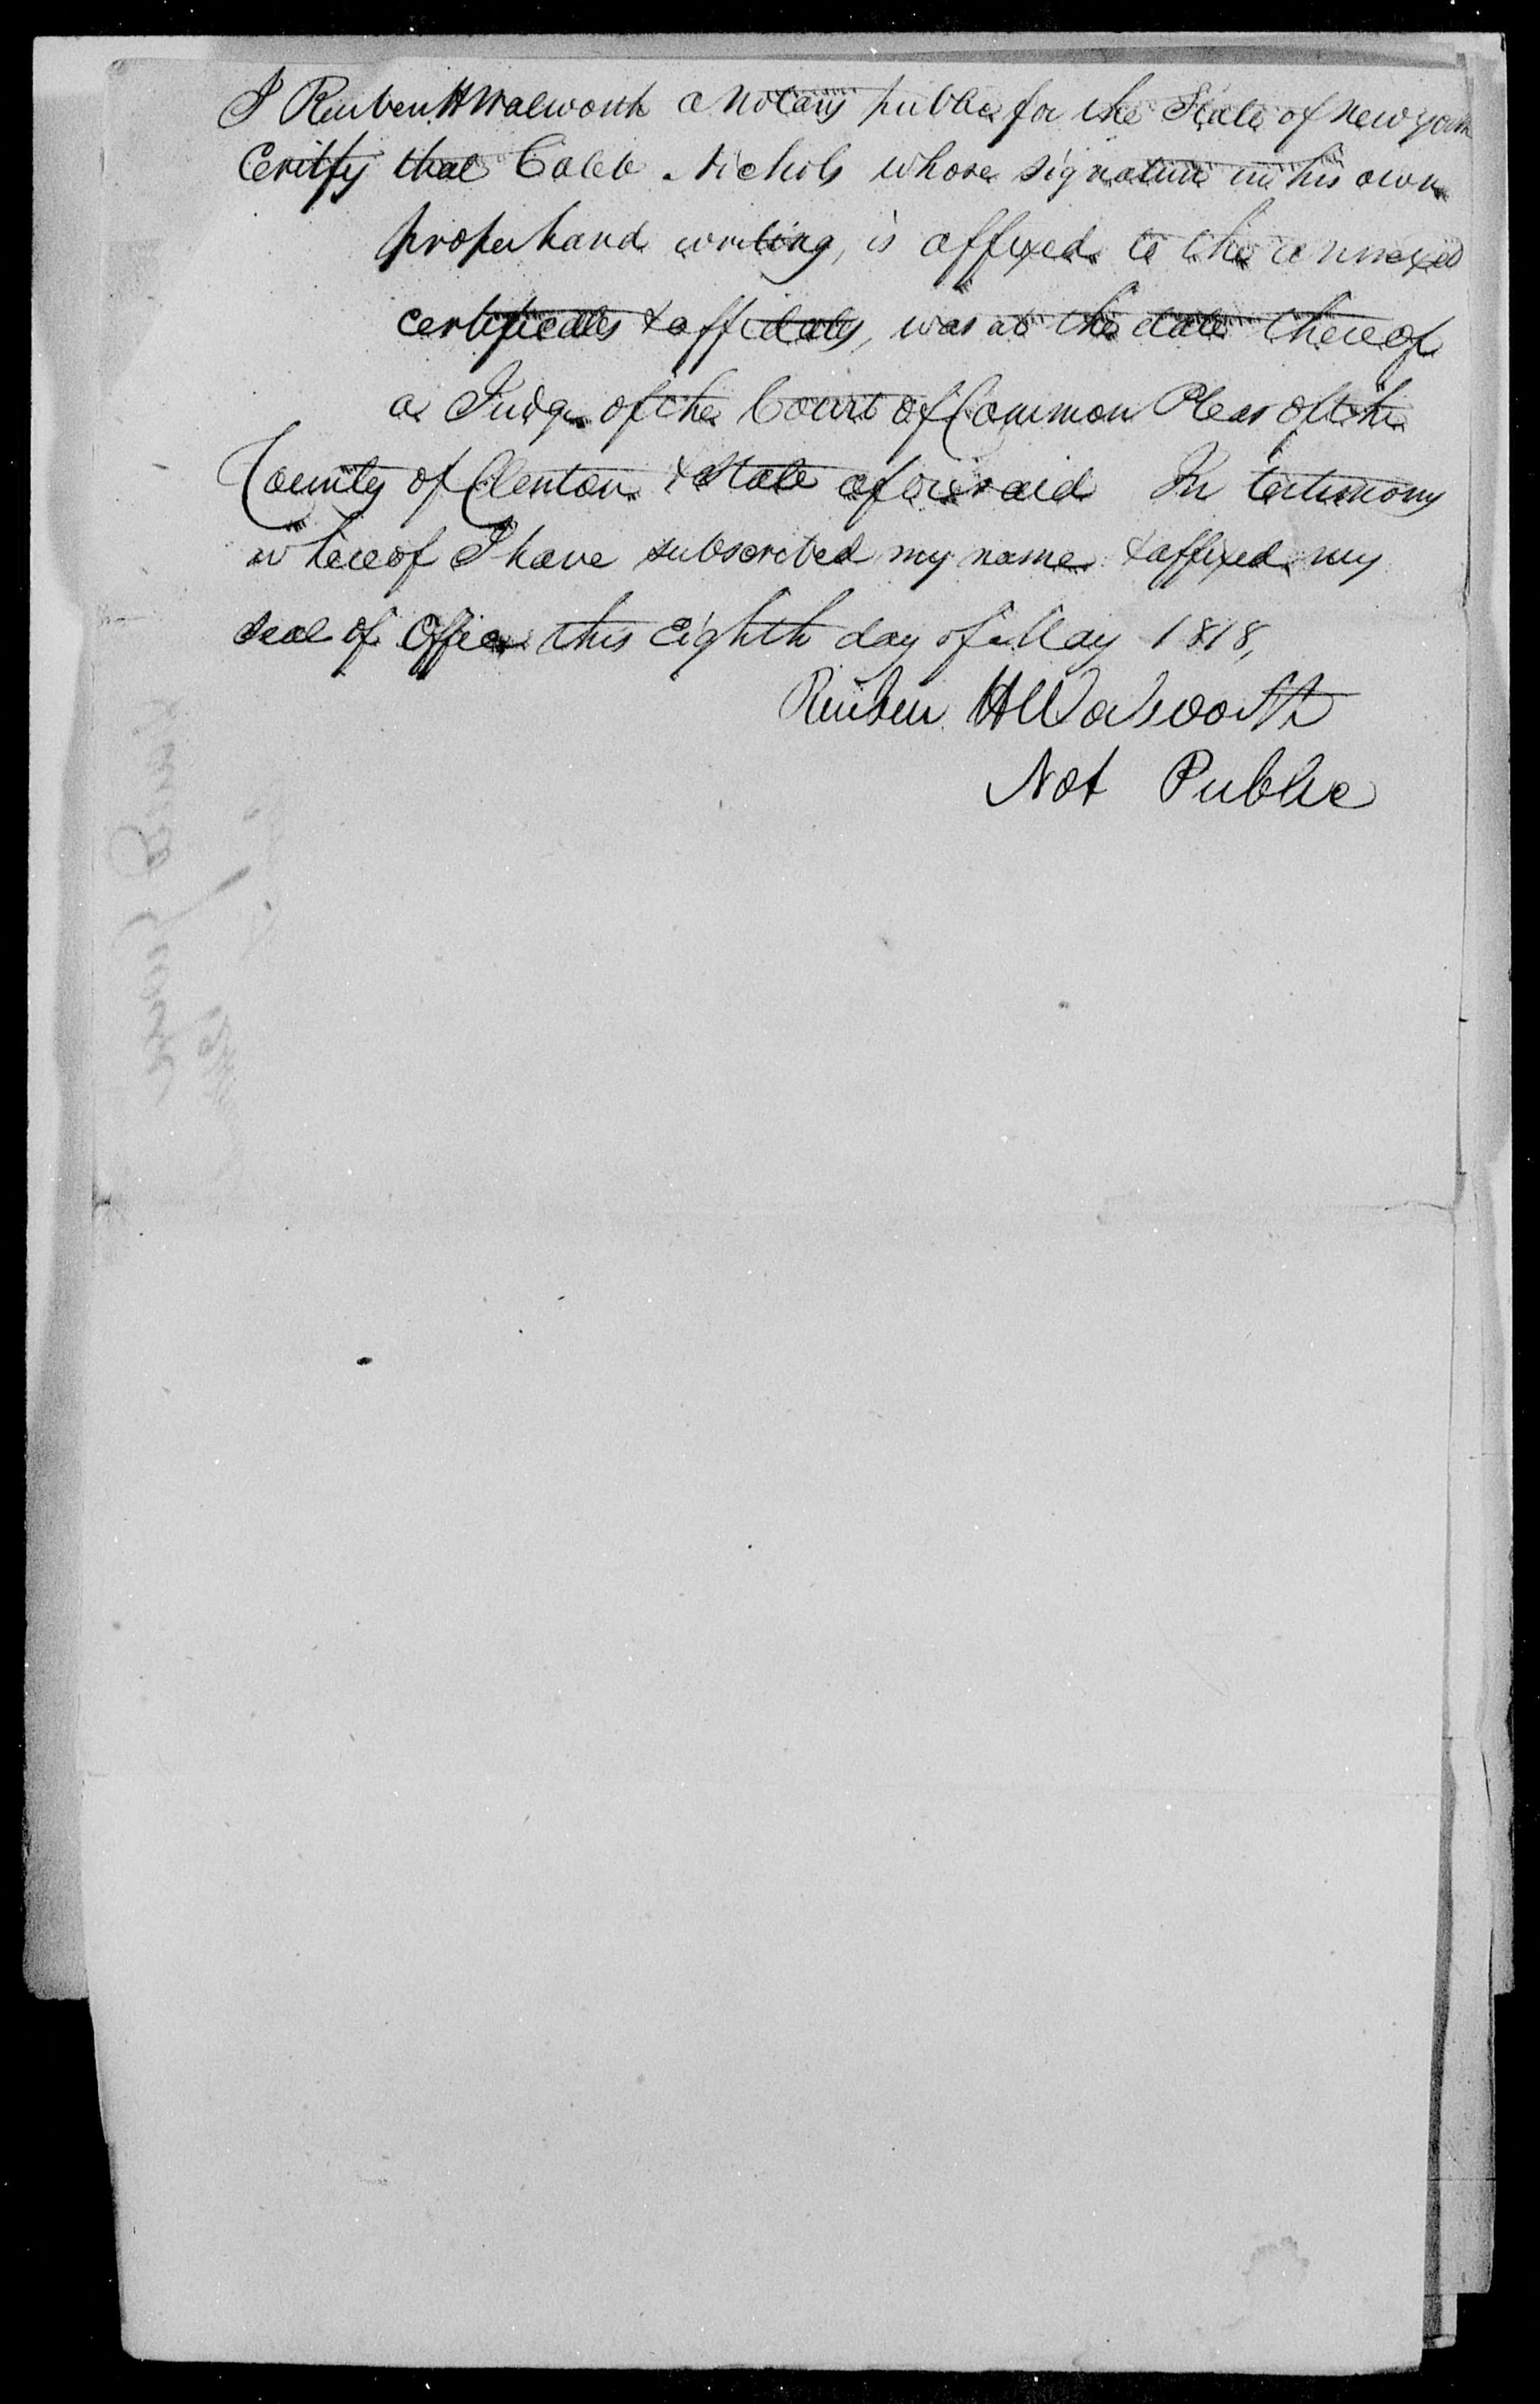I Reuben H Walworth a Notary Public for the State of New York
Certify that Caleb Nichols whose signature in his own proper hand writing is affixed to the annexed certificates & affidates(sic), was at the date thereof a Judge of the Court of Common Pleas of the County of Clinton & State aforesaid   In testimony whereof I have subscribed my name & affixed my
seal of Office this Eighth day of May 1818

(signed) Reuben H Walworth
Not(ary) Public  

(Note: No seal is evident on the document)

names: Reuben H Walworth, Caleb Nichols, Reuben H Walworth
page: 13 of 18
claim: survivor's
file: S. 39568, David George, N.H.